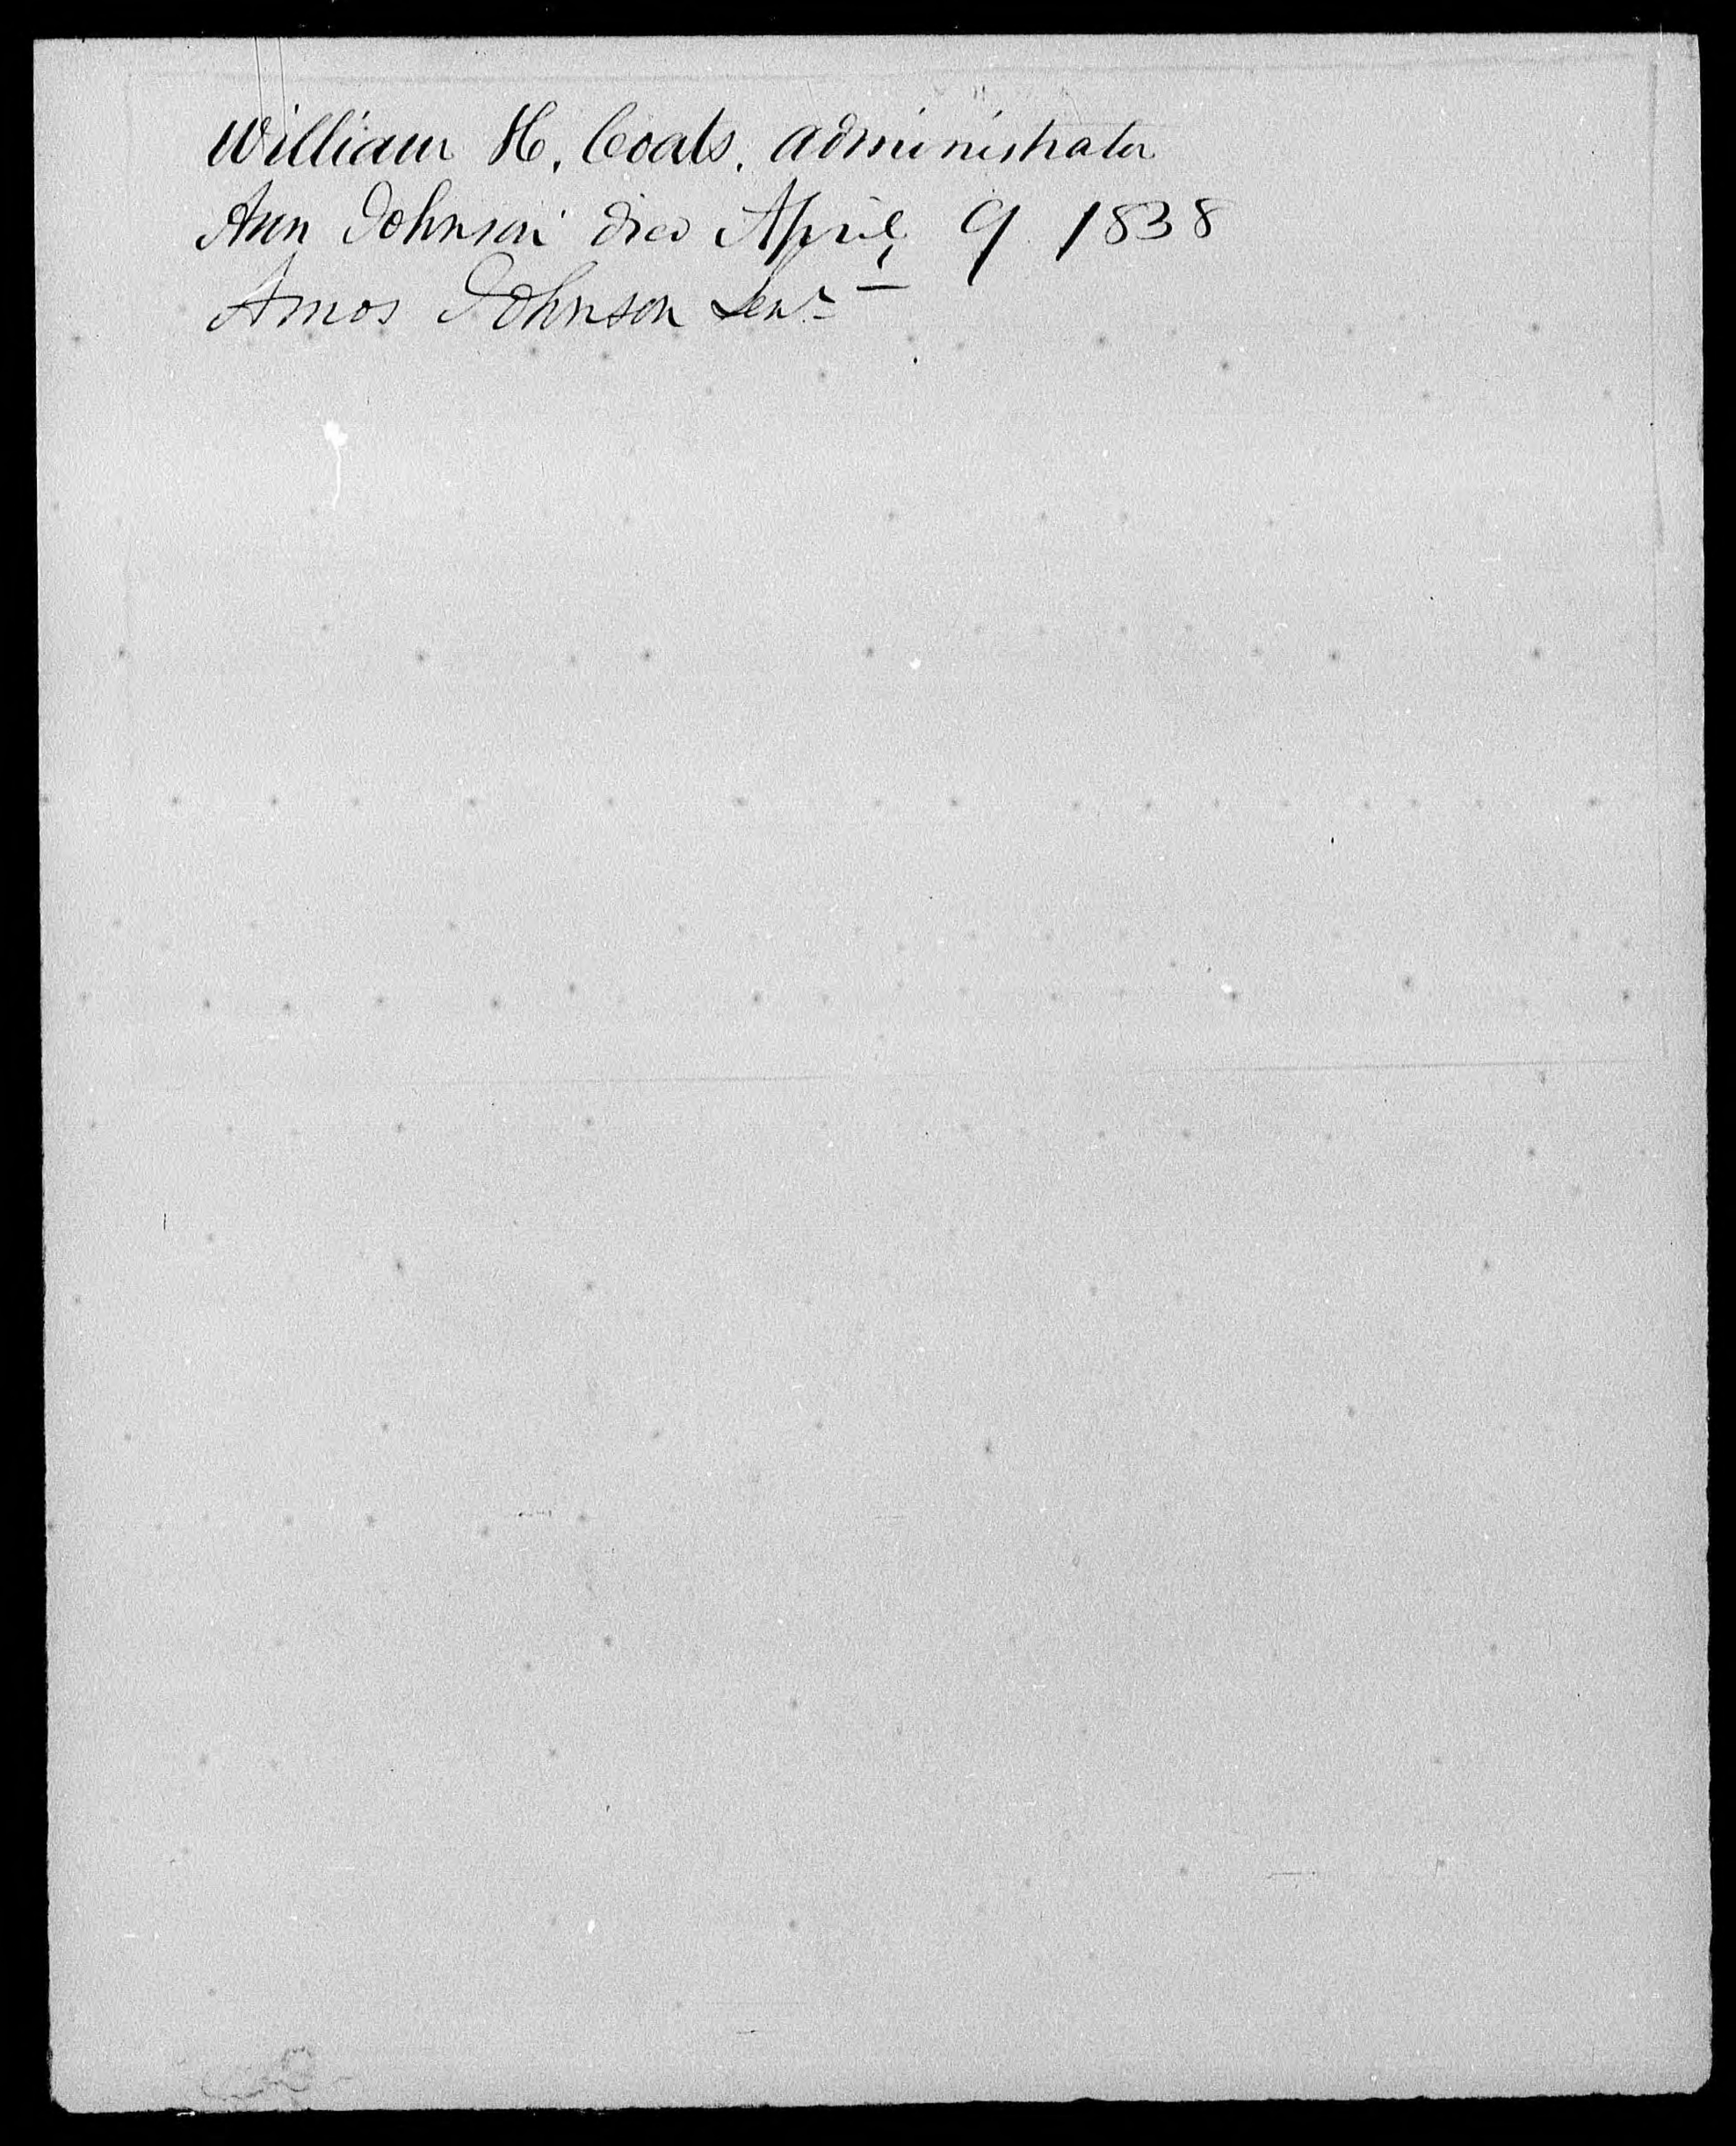William H. Coats, Administrator
Ann Johnson dead April 9, 1838
Amos Johnson, Son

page: 21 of 74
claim: rejected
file: R. 5600, for Abel Johnson, North Carolina